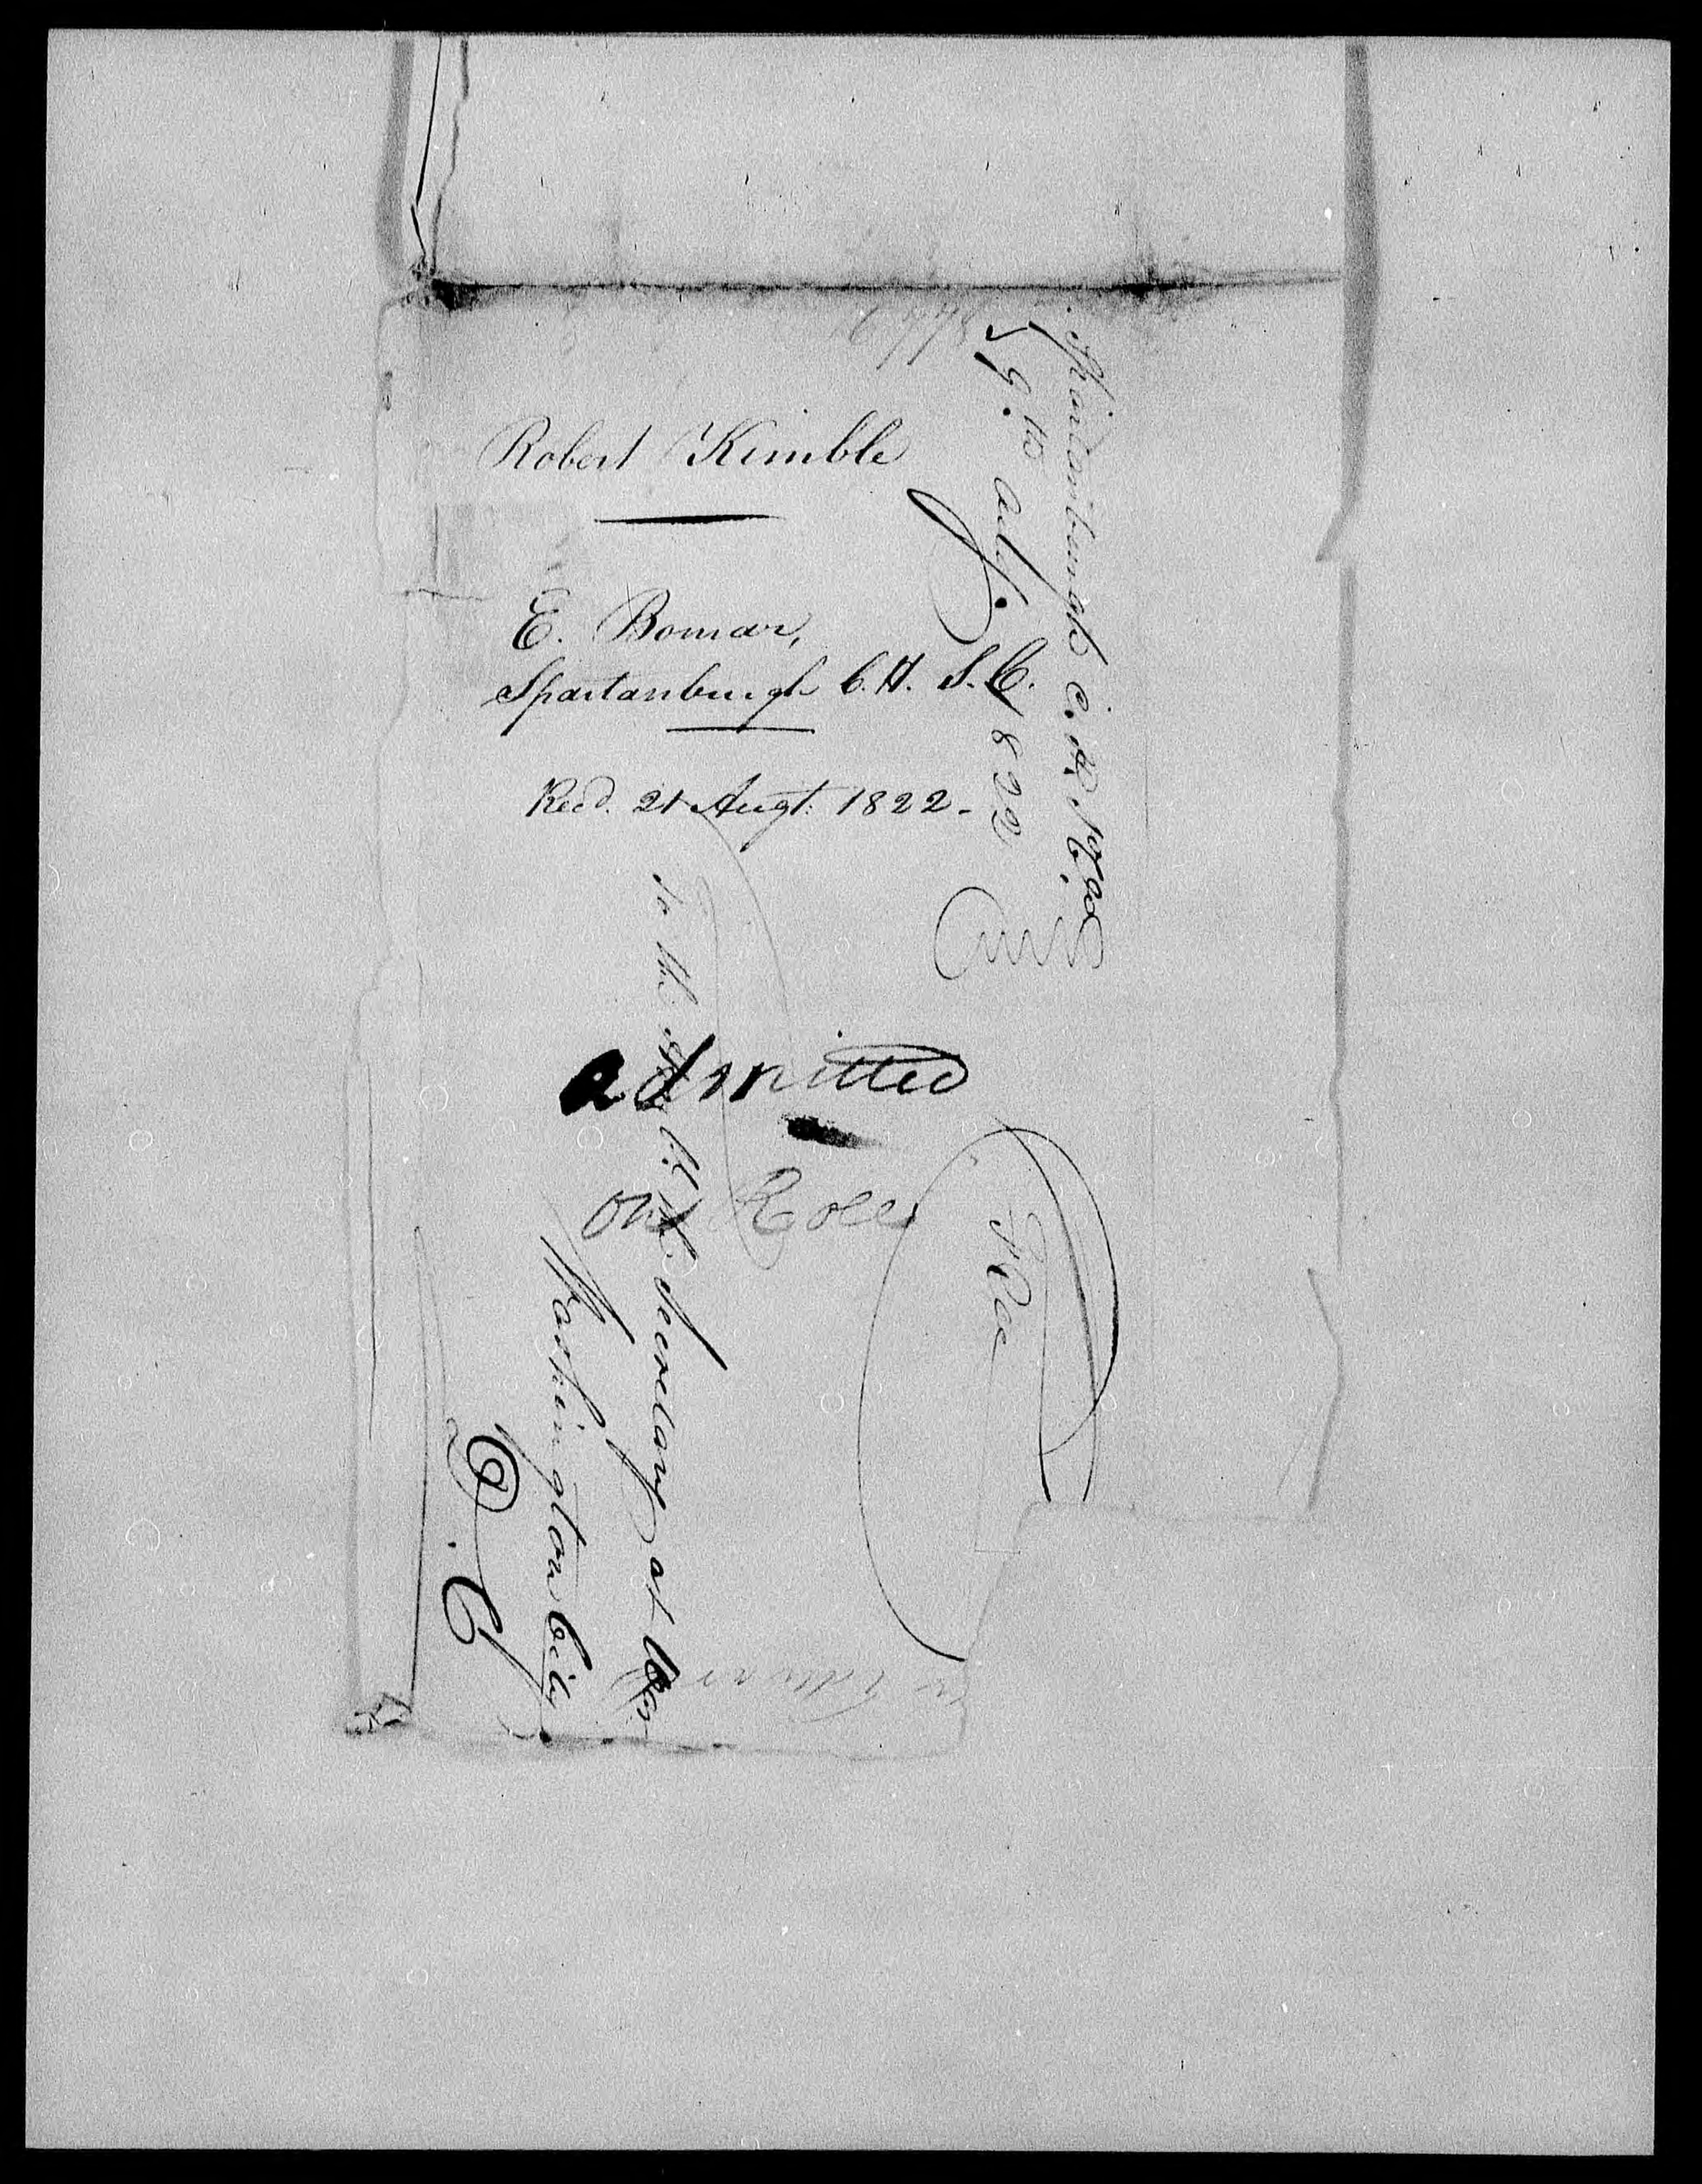16778
Robert Kimble
E. Bomar,
Spartanburgh CH. S.C.

Recd. 21 Augt: 1822-

Admitted
on Roll

Spartanburgh C.H. SoCa.} Free
9th. Aug. 1822}
To the Honbl. the Secretary at War
Washington City
D.C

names: E Bomar; Robert Kimble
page: 4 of 9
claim: survivor's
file: S. 38896, for Robert Kimble, Virginia